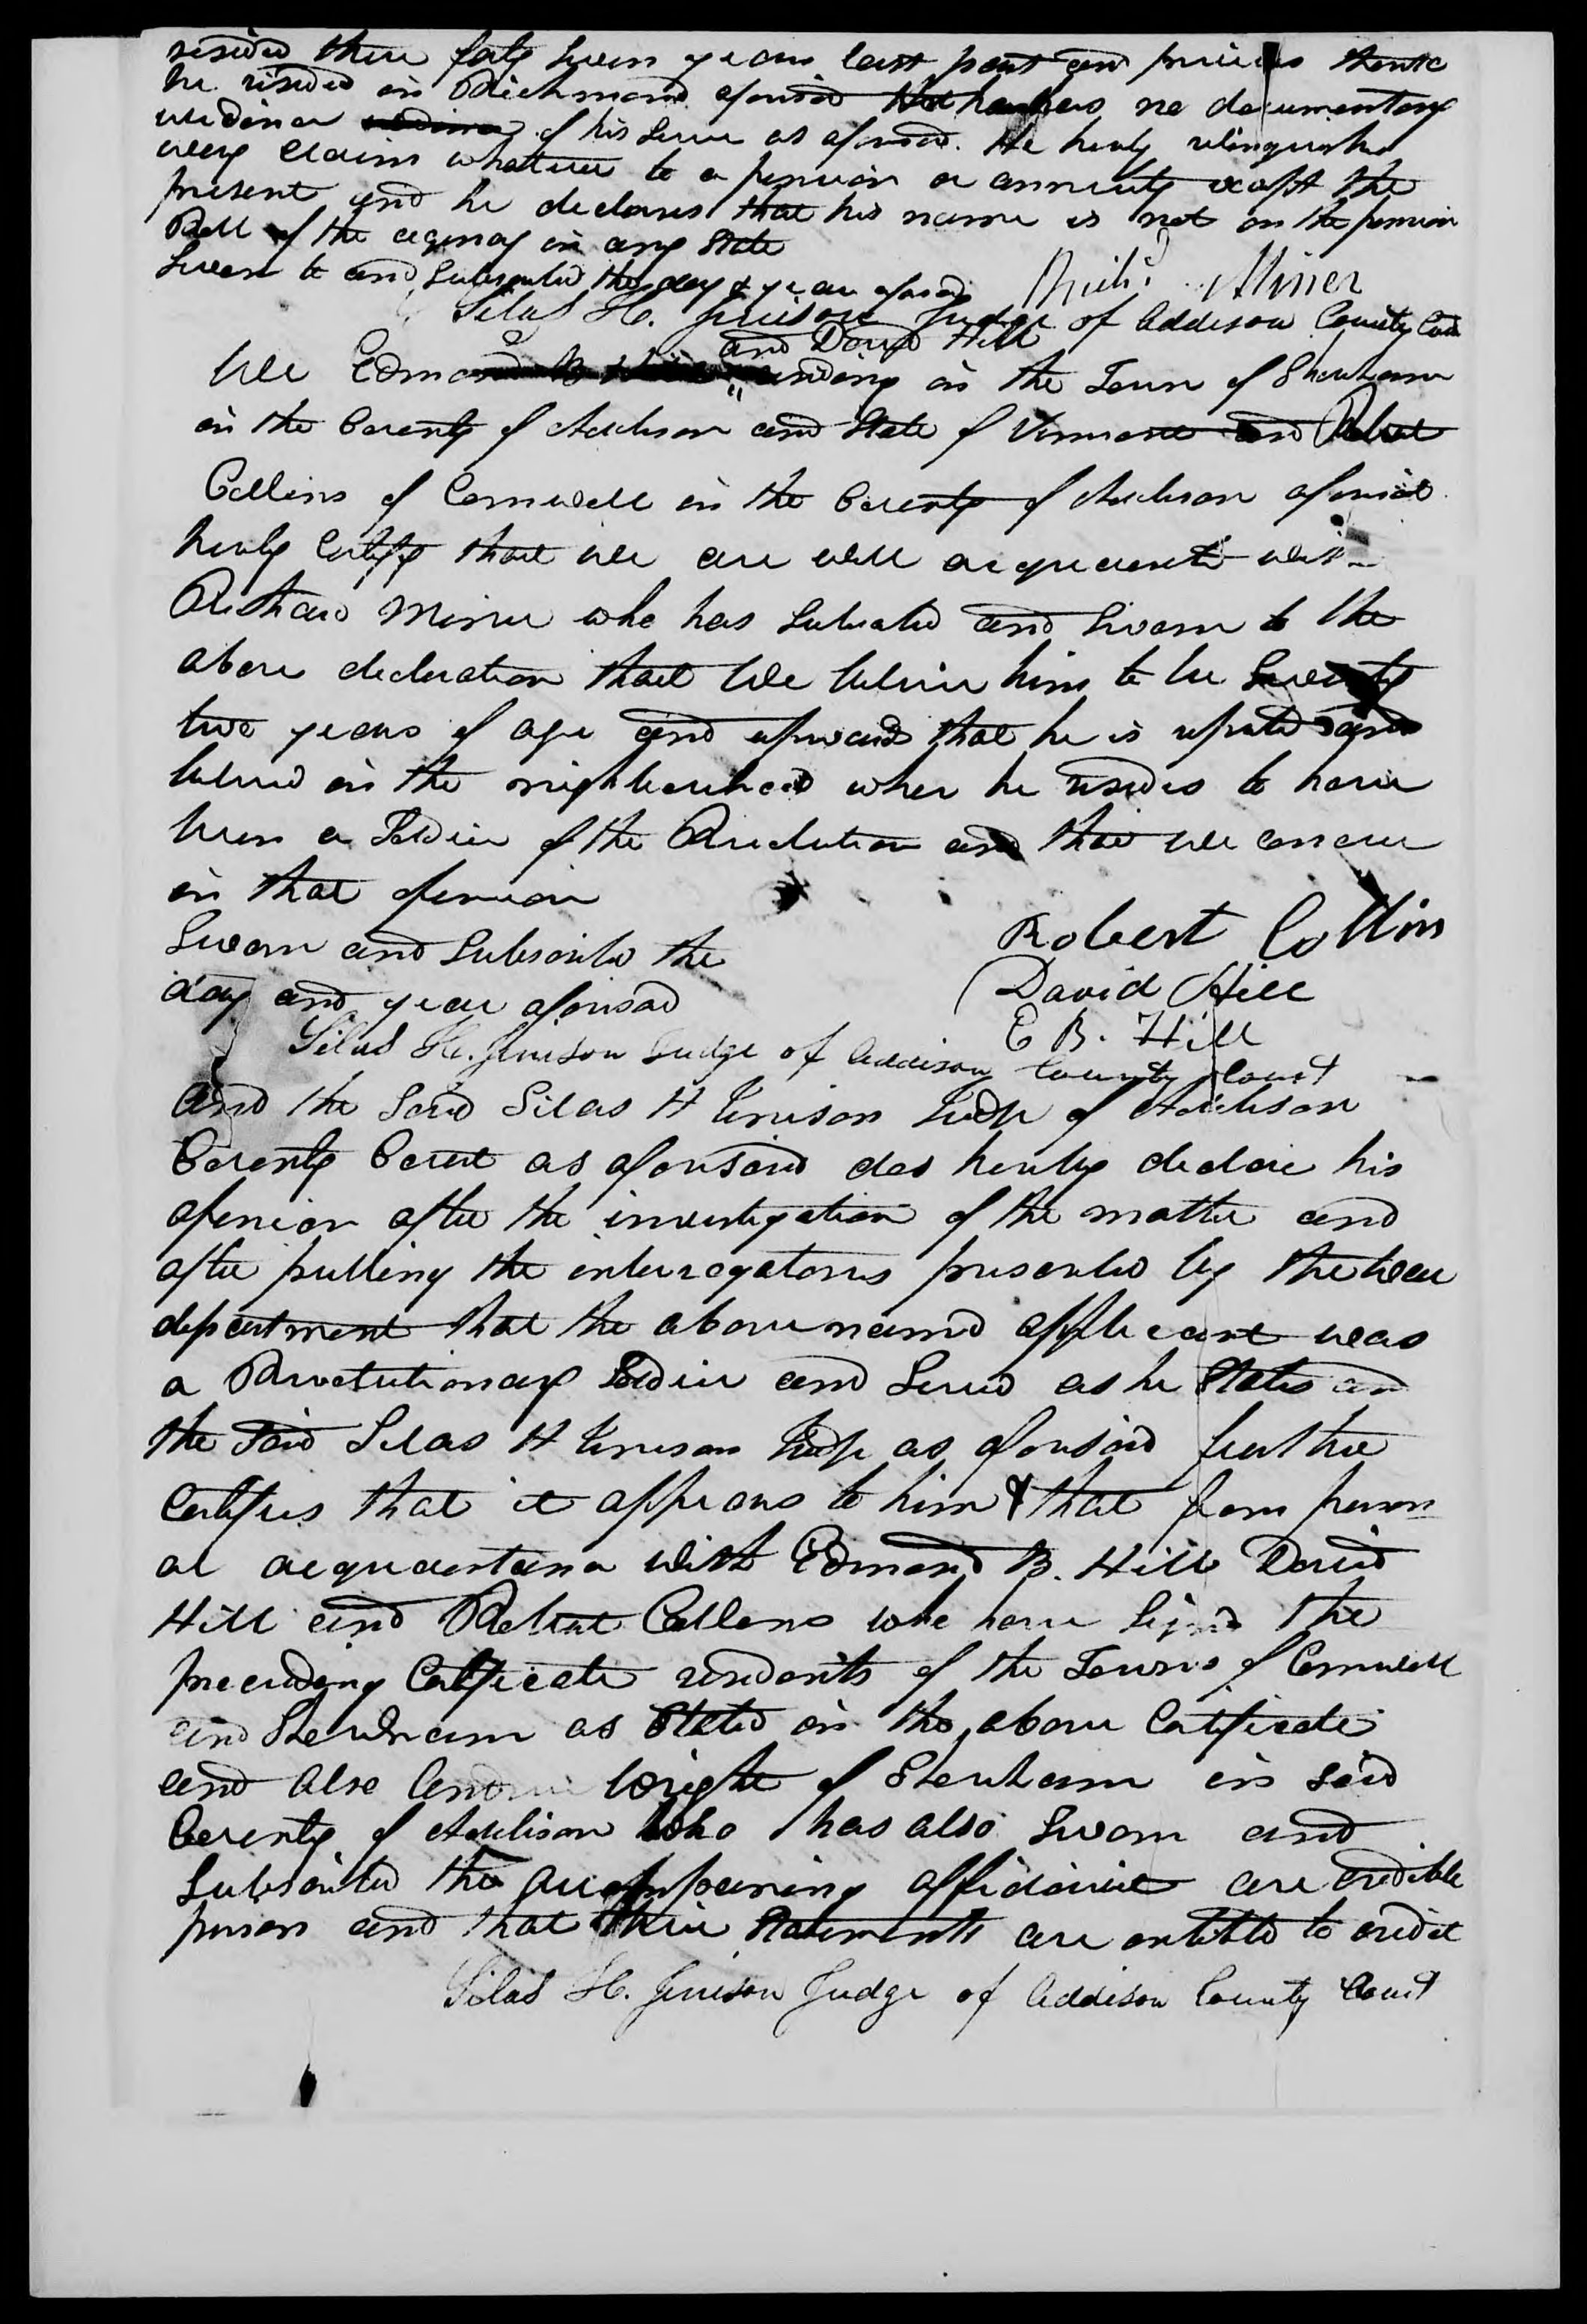resided there forty seven years last past and [illegible] then
he resided in Richmond aforesaid that he has no documenting
evidence of his serve as aforesaid. He hereby relinquished
every claim whatever to a pension or annuity except the
present, and he declares that his name is not on the person
Roll of the agency in any State.

Richard Miner
Sworn to and subscribed the day & year aforesaid. 
Silas H Jenison Judge of Addison County Court
We Edmond B Hill and David Hill 
residing in the Town of Shoreham
in the County of Addison and State of Vermont and Robert Collins of Cornwall in the County of Addison aforesaid
hereby certify that we are well acquainted with
Richard Miner who has subscribed and sworn to the
above declaration that we believe him to be seventy
two years of age and upwards that he is [illegible] and
believed in the neighbourhood where he resides to have
been a soldier of the Revolution and that we concur in that opinion
Robert Collins
David Hill
E.B. Hill
Sworn and subscribed the
day and year aforesaid
Silas H Prison Judge of Addison County Court
And the said Silas H Jenison Judge of Addison
County Court as aforesaid does hereby declare his
opinion of the investigation of the matter and
after putting the interrogatons presented by the war
department that the above named applicant was a
Revolutionary soldier and served as he states and
the said Silas H Jenison KJudge as aforesaid
further certifies that it appears to him & that from personal acquaintance with Edmond B. Hill, David Hill and Robert Collins who have signed the
preceeding Calficate residents of the Town of Cornwall and
Shoreham as stated on the above certificate
and also Andrew Wright of Shoreham in said
County of
Addison who has also sworn and
Subscribed the accompaning
affidavit are credible
persons and that their statements are entitled to credit
Silas H. Jenison Judge of Addison County Court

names: Silas H Jenison; Richd Miner; Robert Collins; Richard Miner; Edmond B Hill; E B Hill; David Hill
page: 6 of 34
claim: survivor's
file: S. 13944, for Richard Miner, Massachusetts